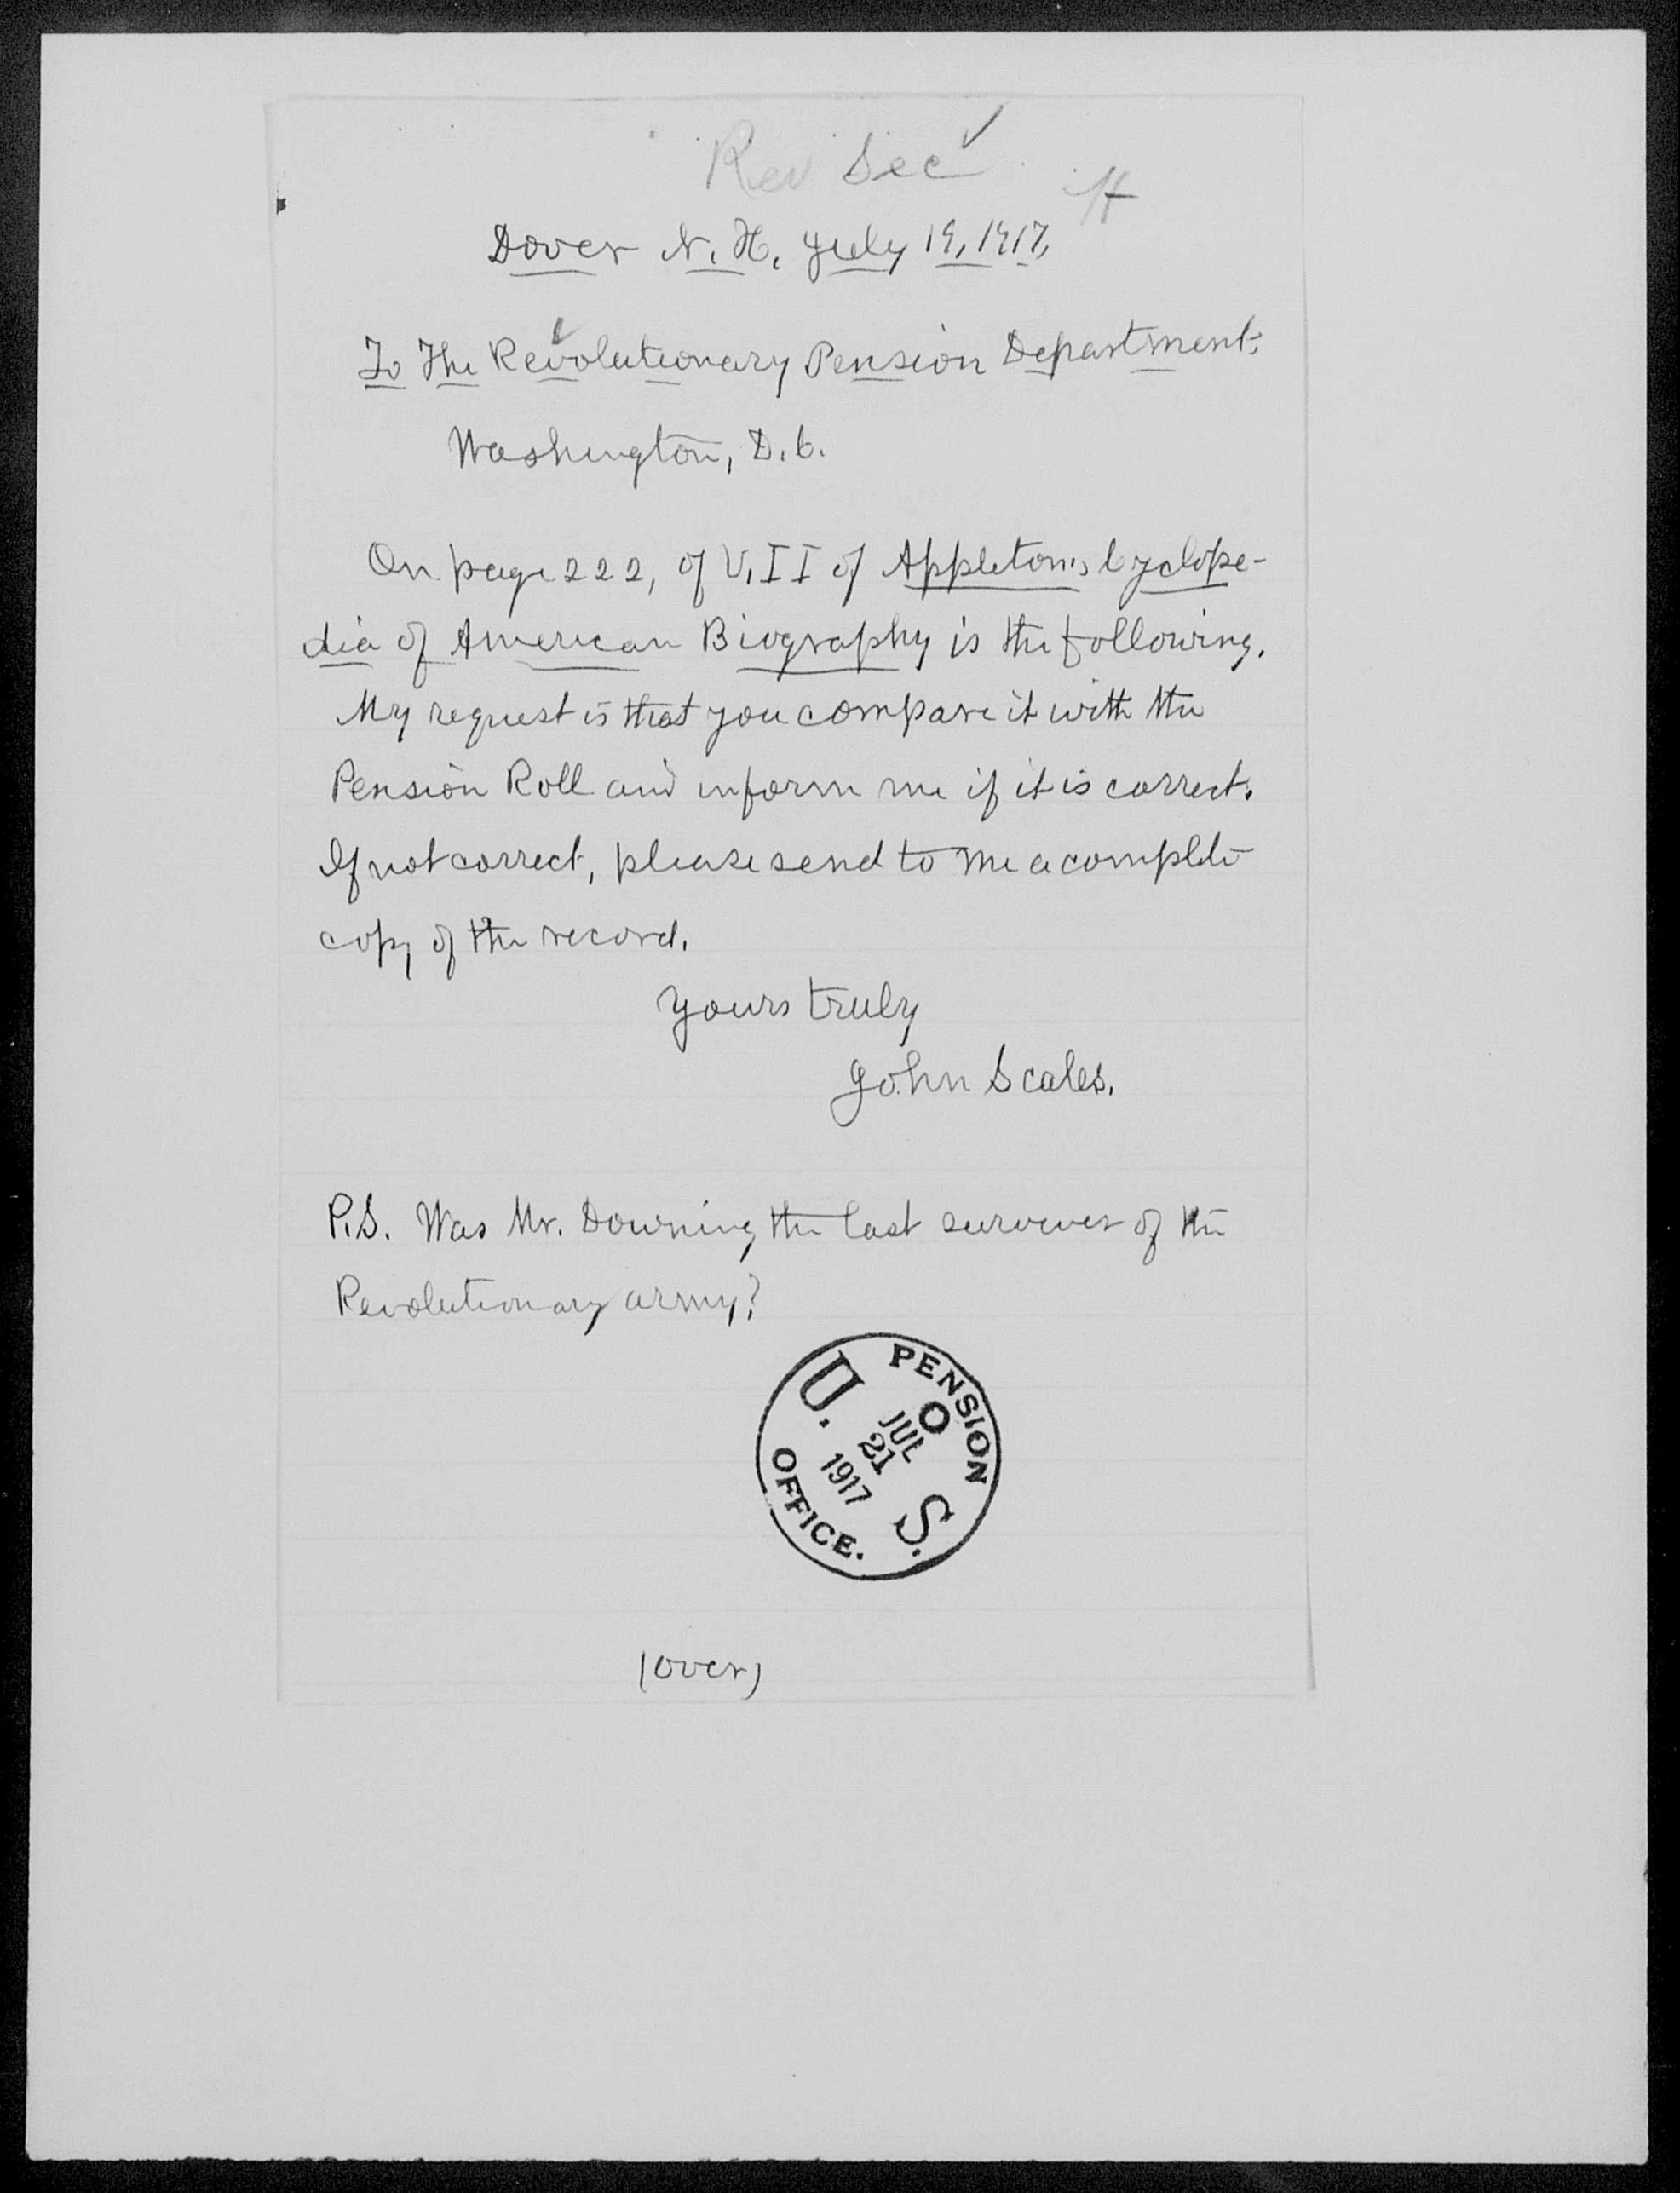Rev Sec
Dover N.H. July 19, 1917   H
To The Revolutionary Pension Department 
Washington, D.C.
On page 222, of VII of Appleton’s Encyclopedia of America Biography is the following.
My request is that you compare it with the Pension Roll and inform me if it is correct. If not correct, please send me a completed copy of the record.
Yours truly,
Signature of John Scales.

P.S. Was Mr. Downing the last survivor of the Revolutionary army?

[Imprint of stamp]
PENSION O JUL 21 1917 U.S. OFFICE

(over)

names: John Scales, Downing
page: 33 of 56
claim: survivor's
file: S. 40,055, Samuel Downing, N.H.